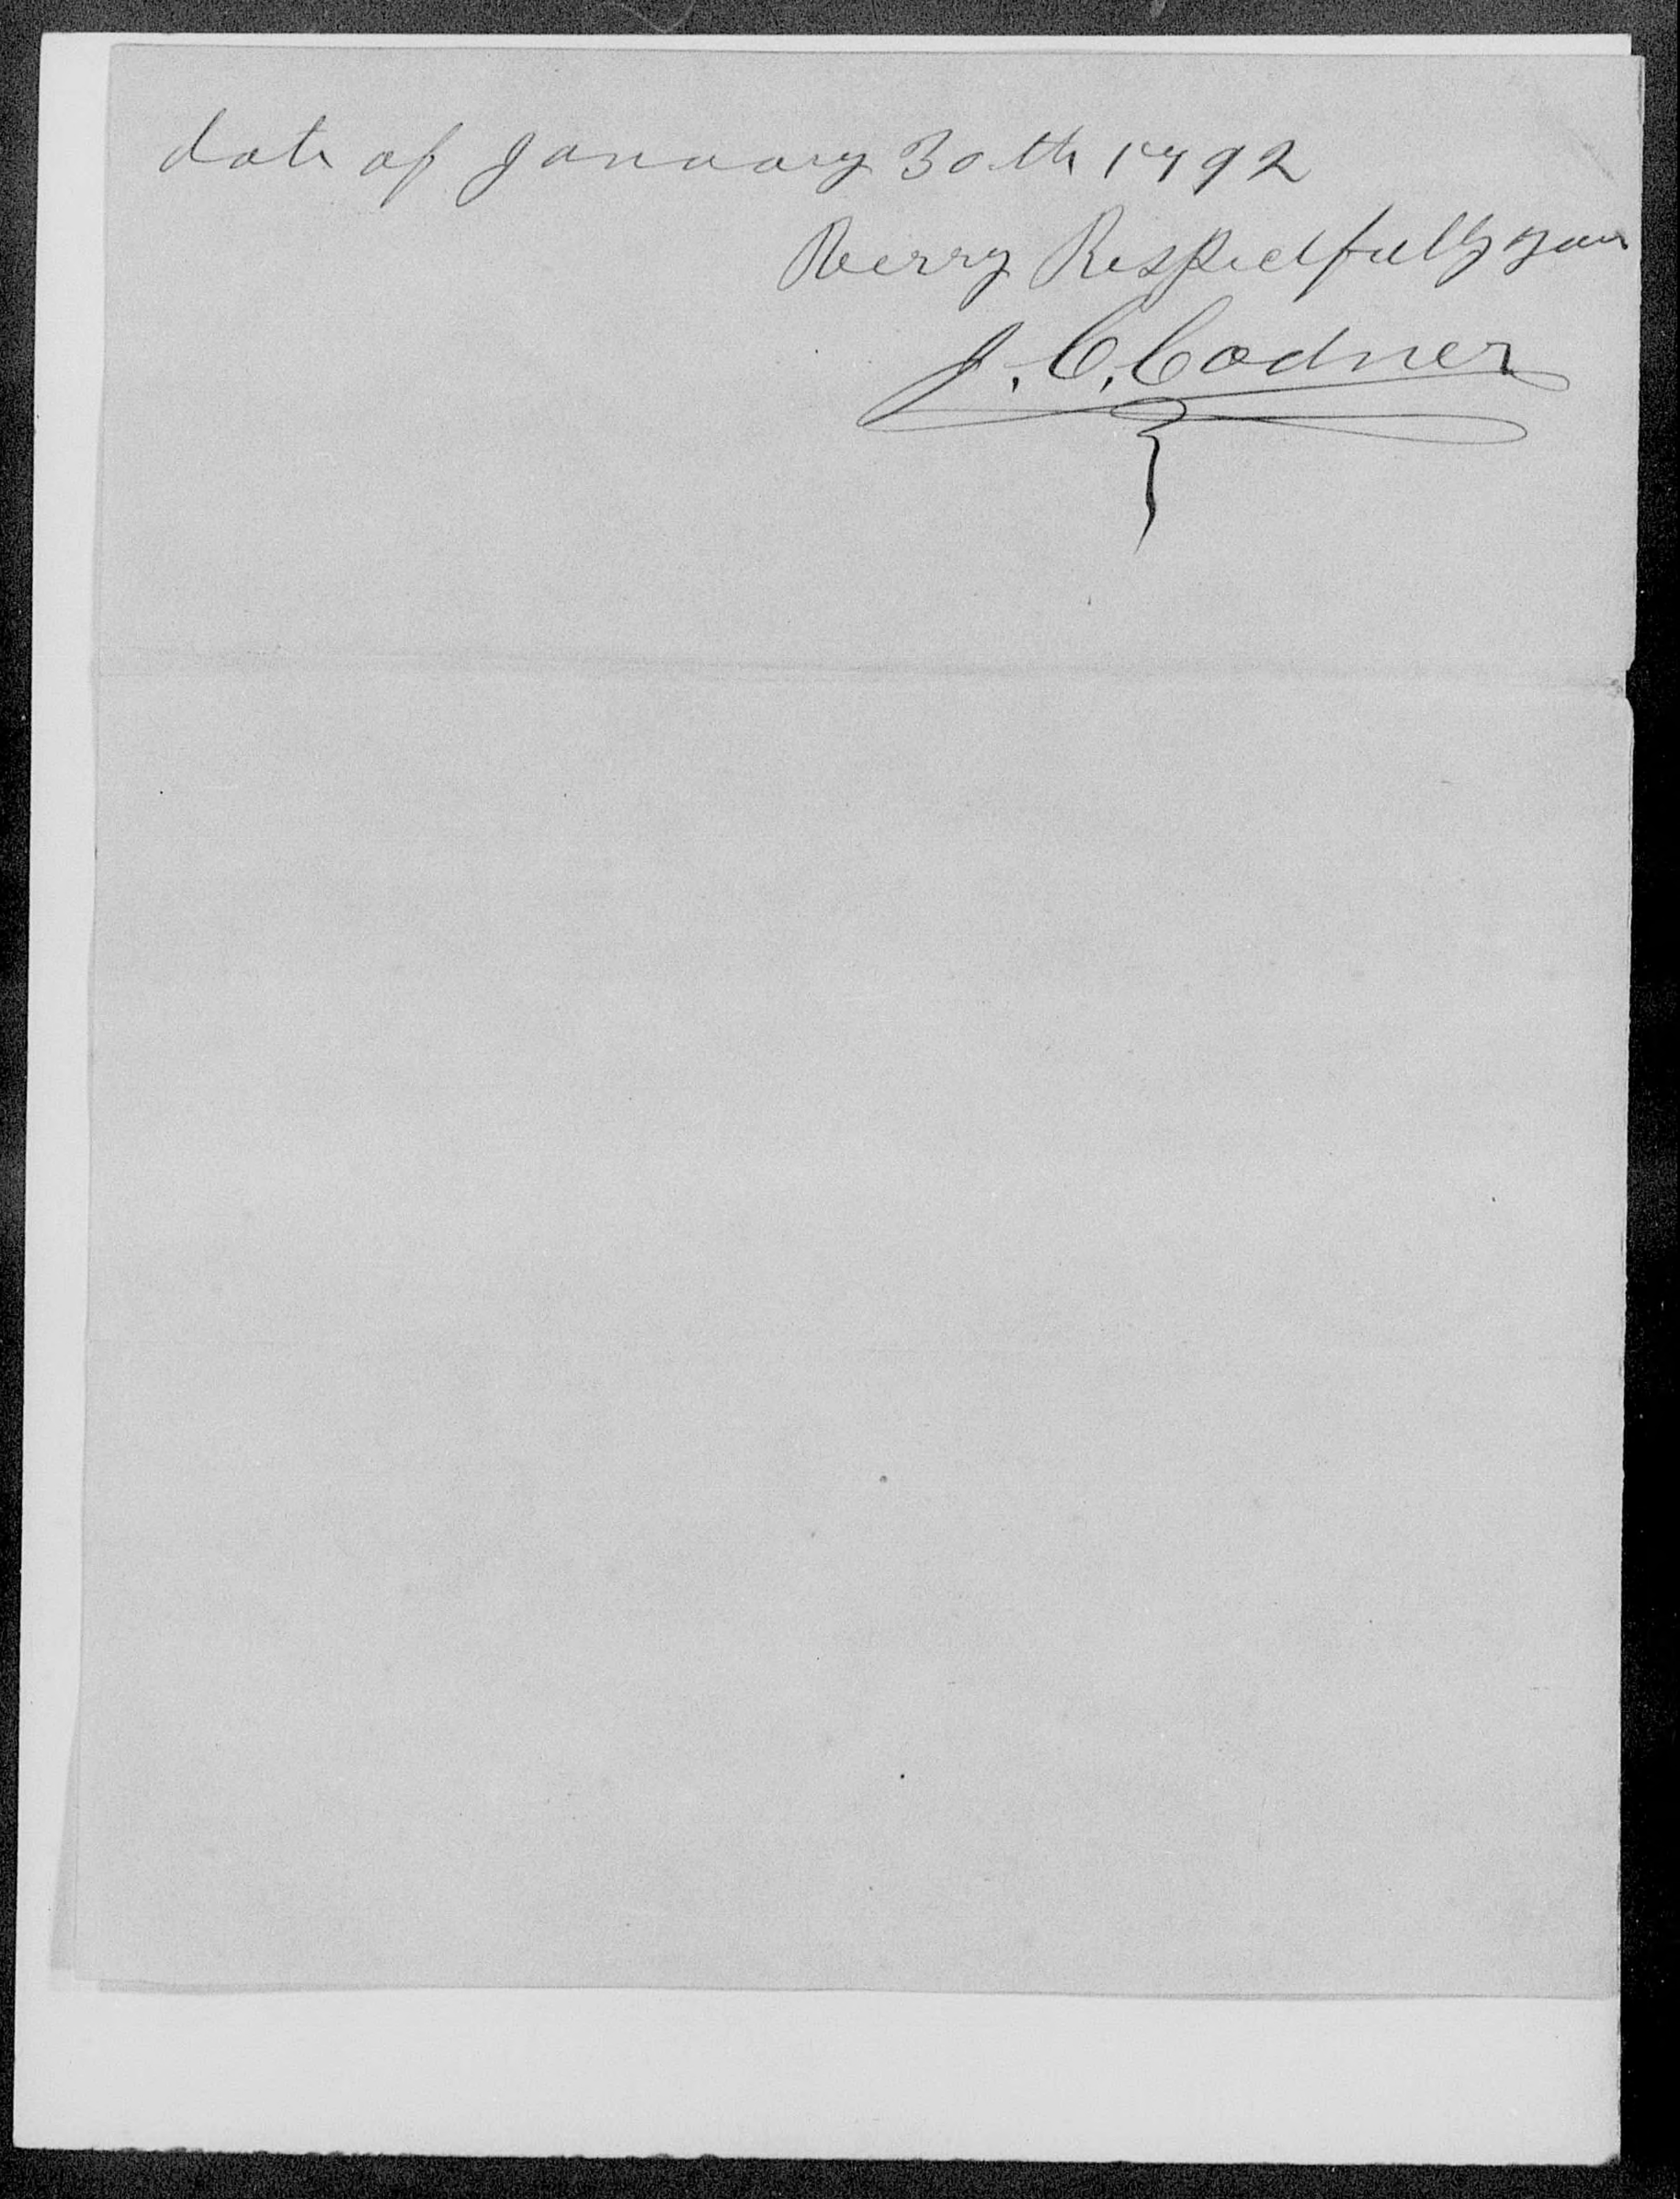date of January 30th 1792.  Very Respectfully yours
J.C. Codner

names: J C Codner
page: 50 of 86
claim: widow's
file: W. 6899, James Carrell, N.C.